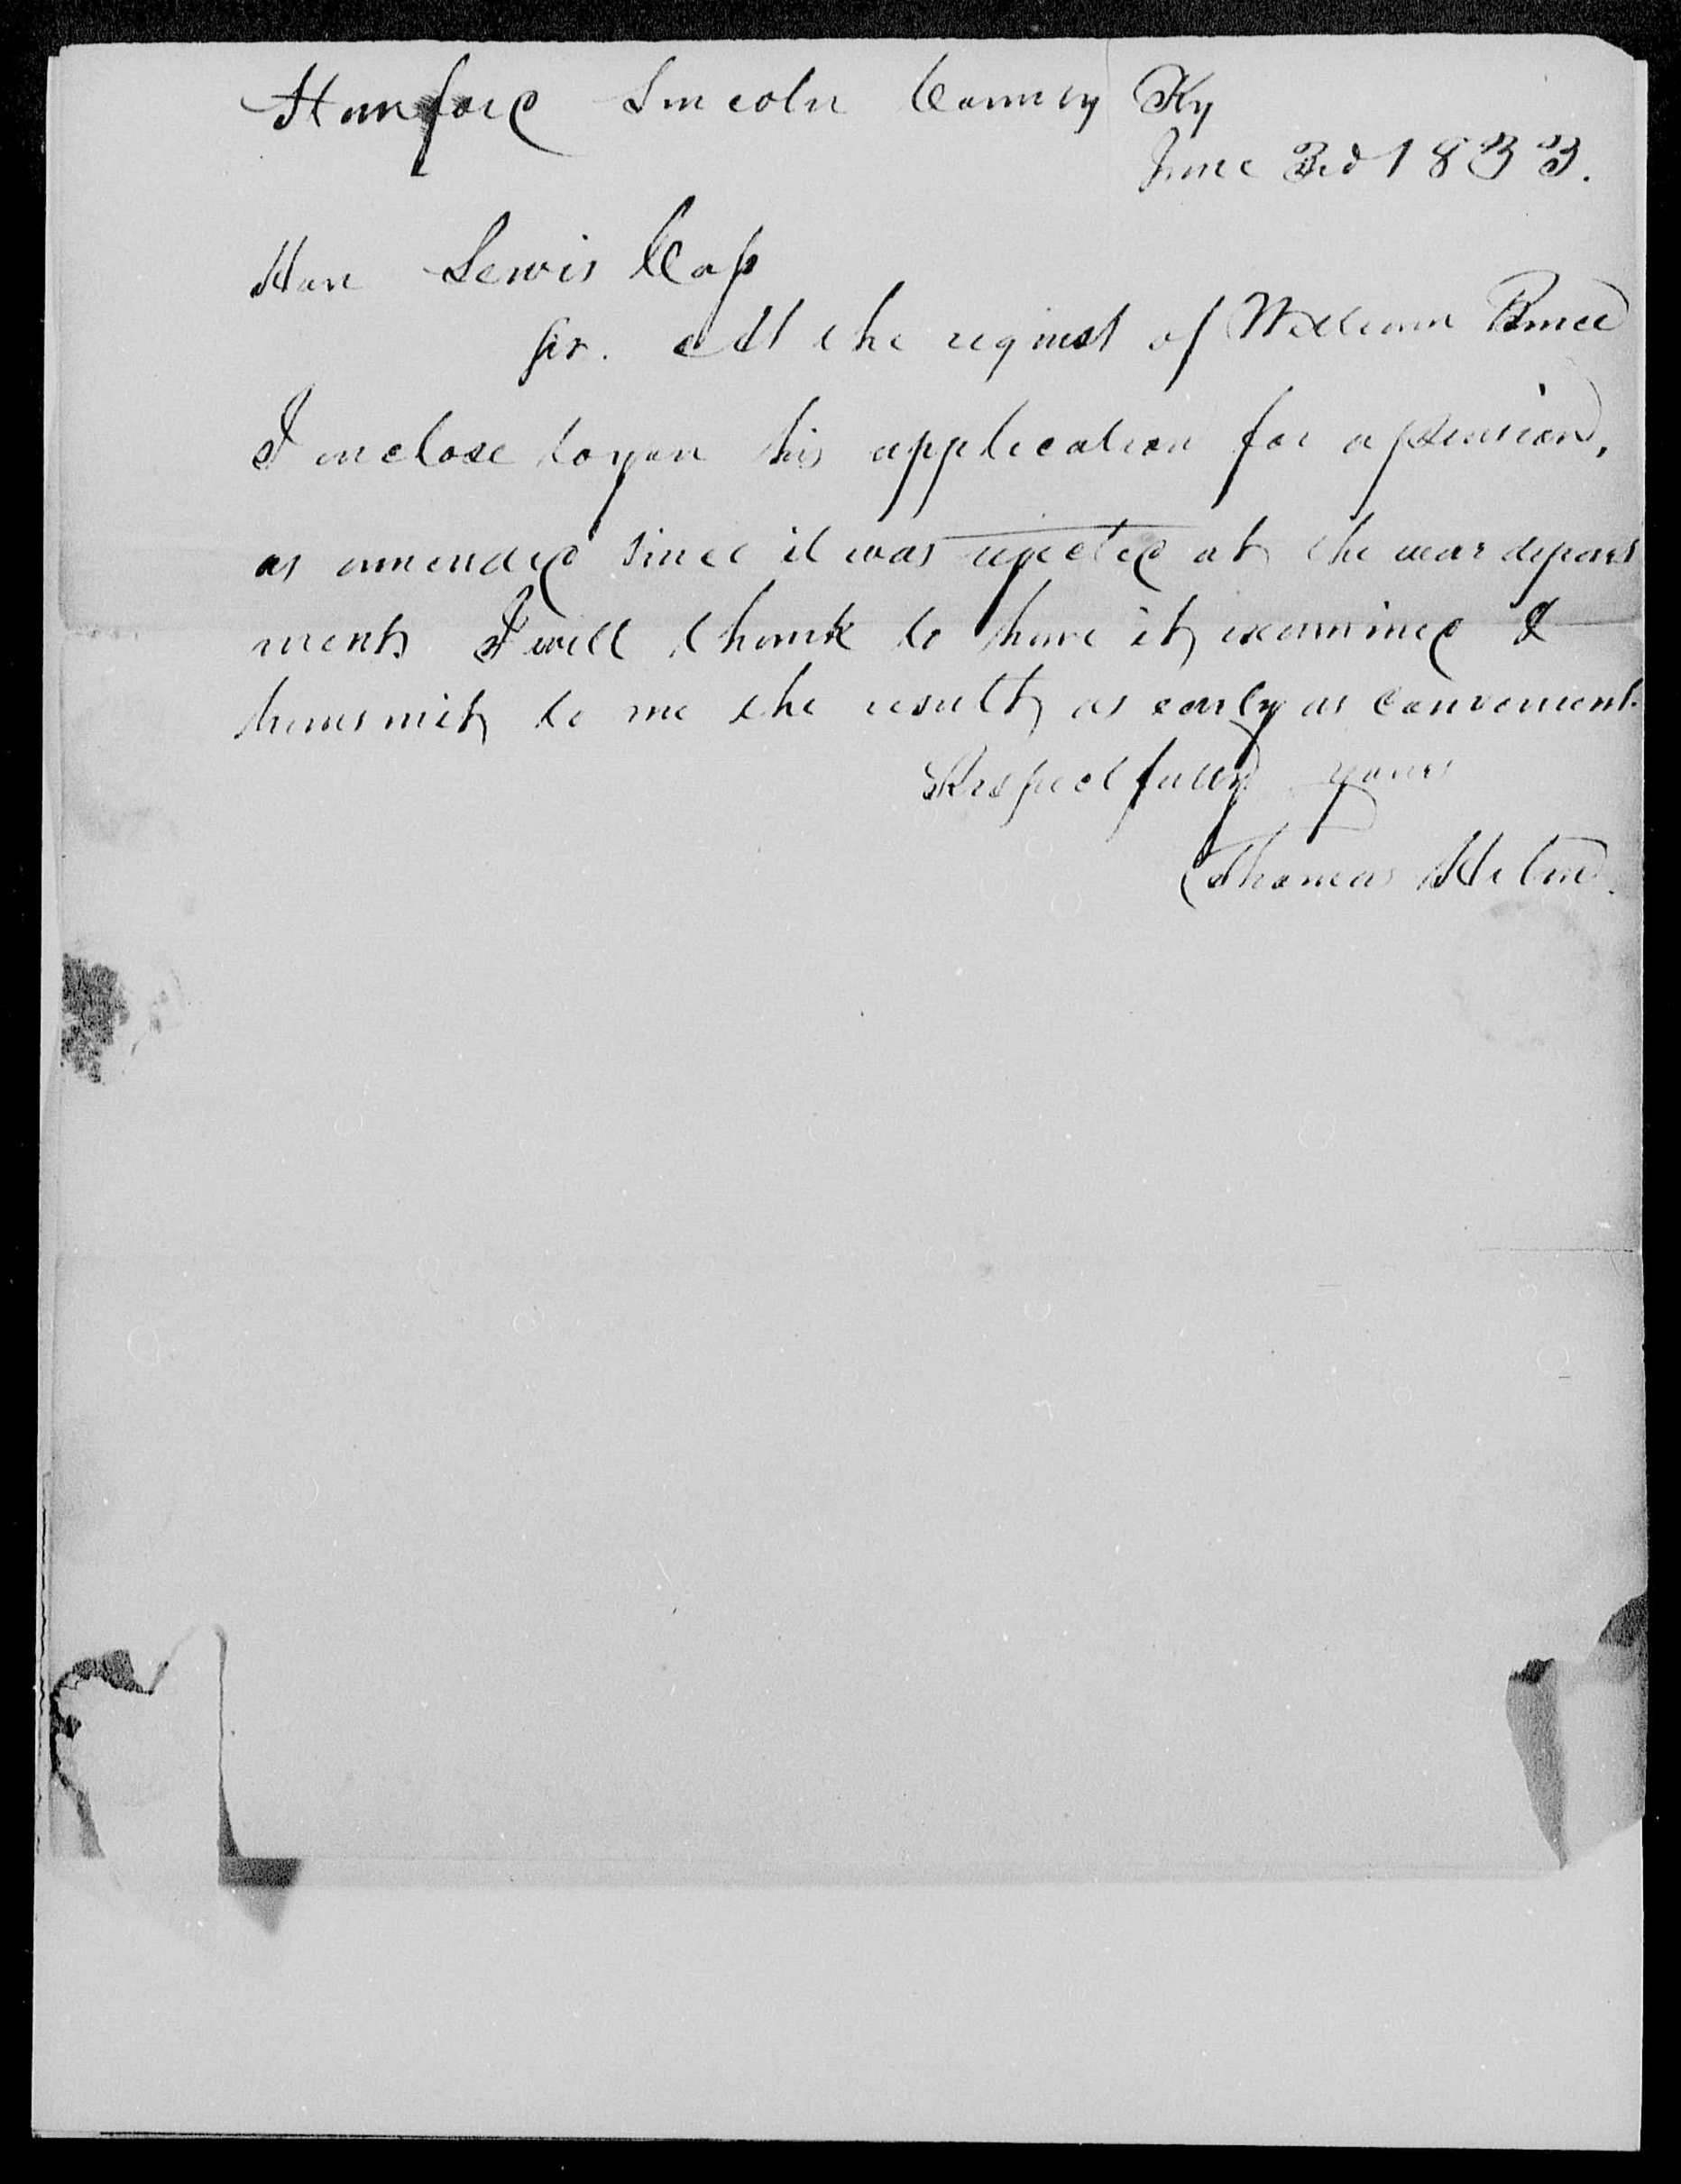Stanford Lincoln County Ky 
June 3rd 1833 

Hon. Lewis Cass 
Sir, at the request of William Bince I enclose to you his application for a pension, as amended since it was rejected at the war department. I will thank to have it examined & herewith to me the results as early as convenient 

Respectfully yours 
Thomas Helm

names: Thomas Helm, William Bruce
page: 23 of 54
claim: survivor's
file: S. 30287, William Bruce, N.C.